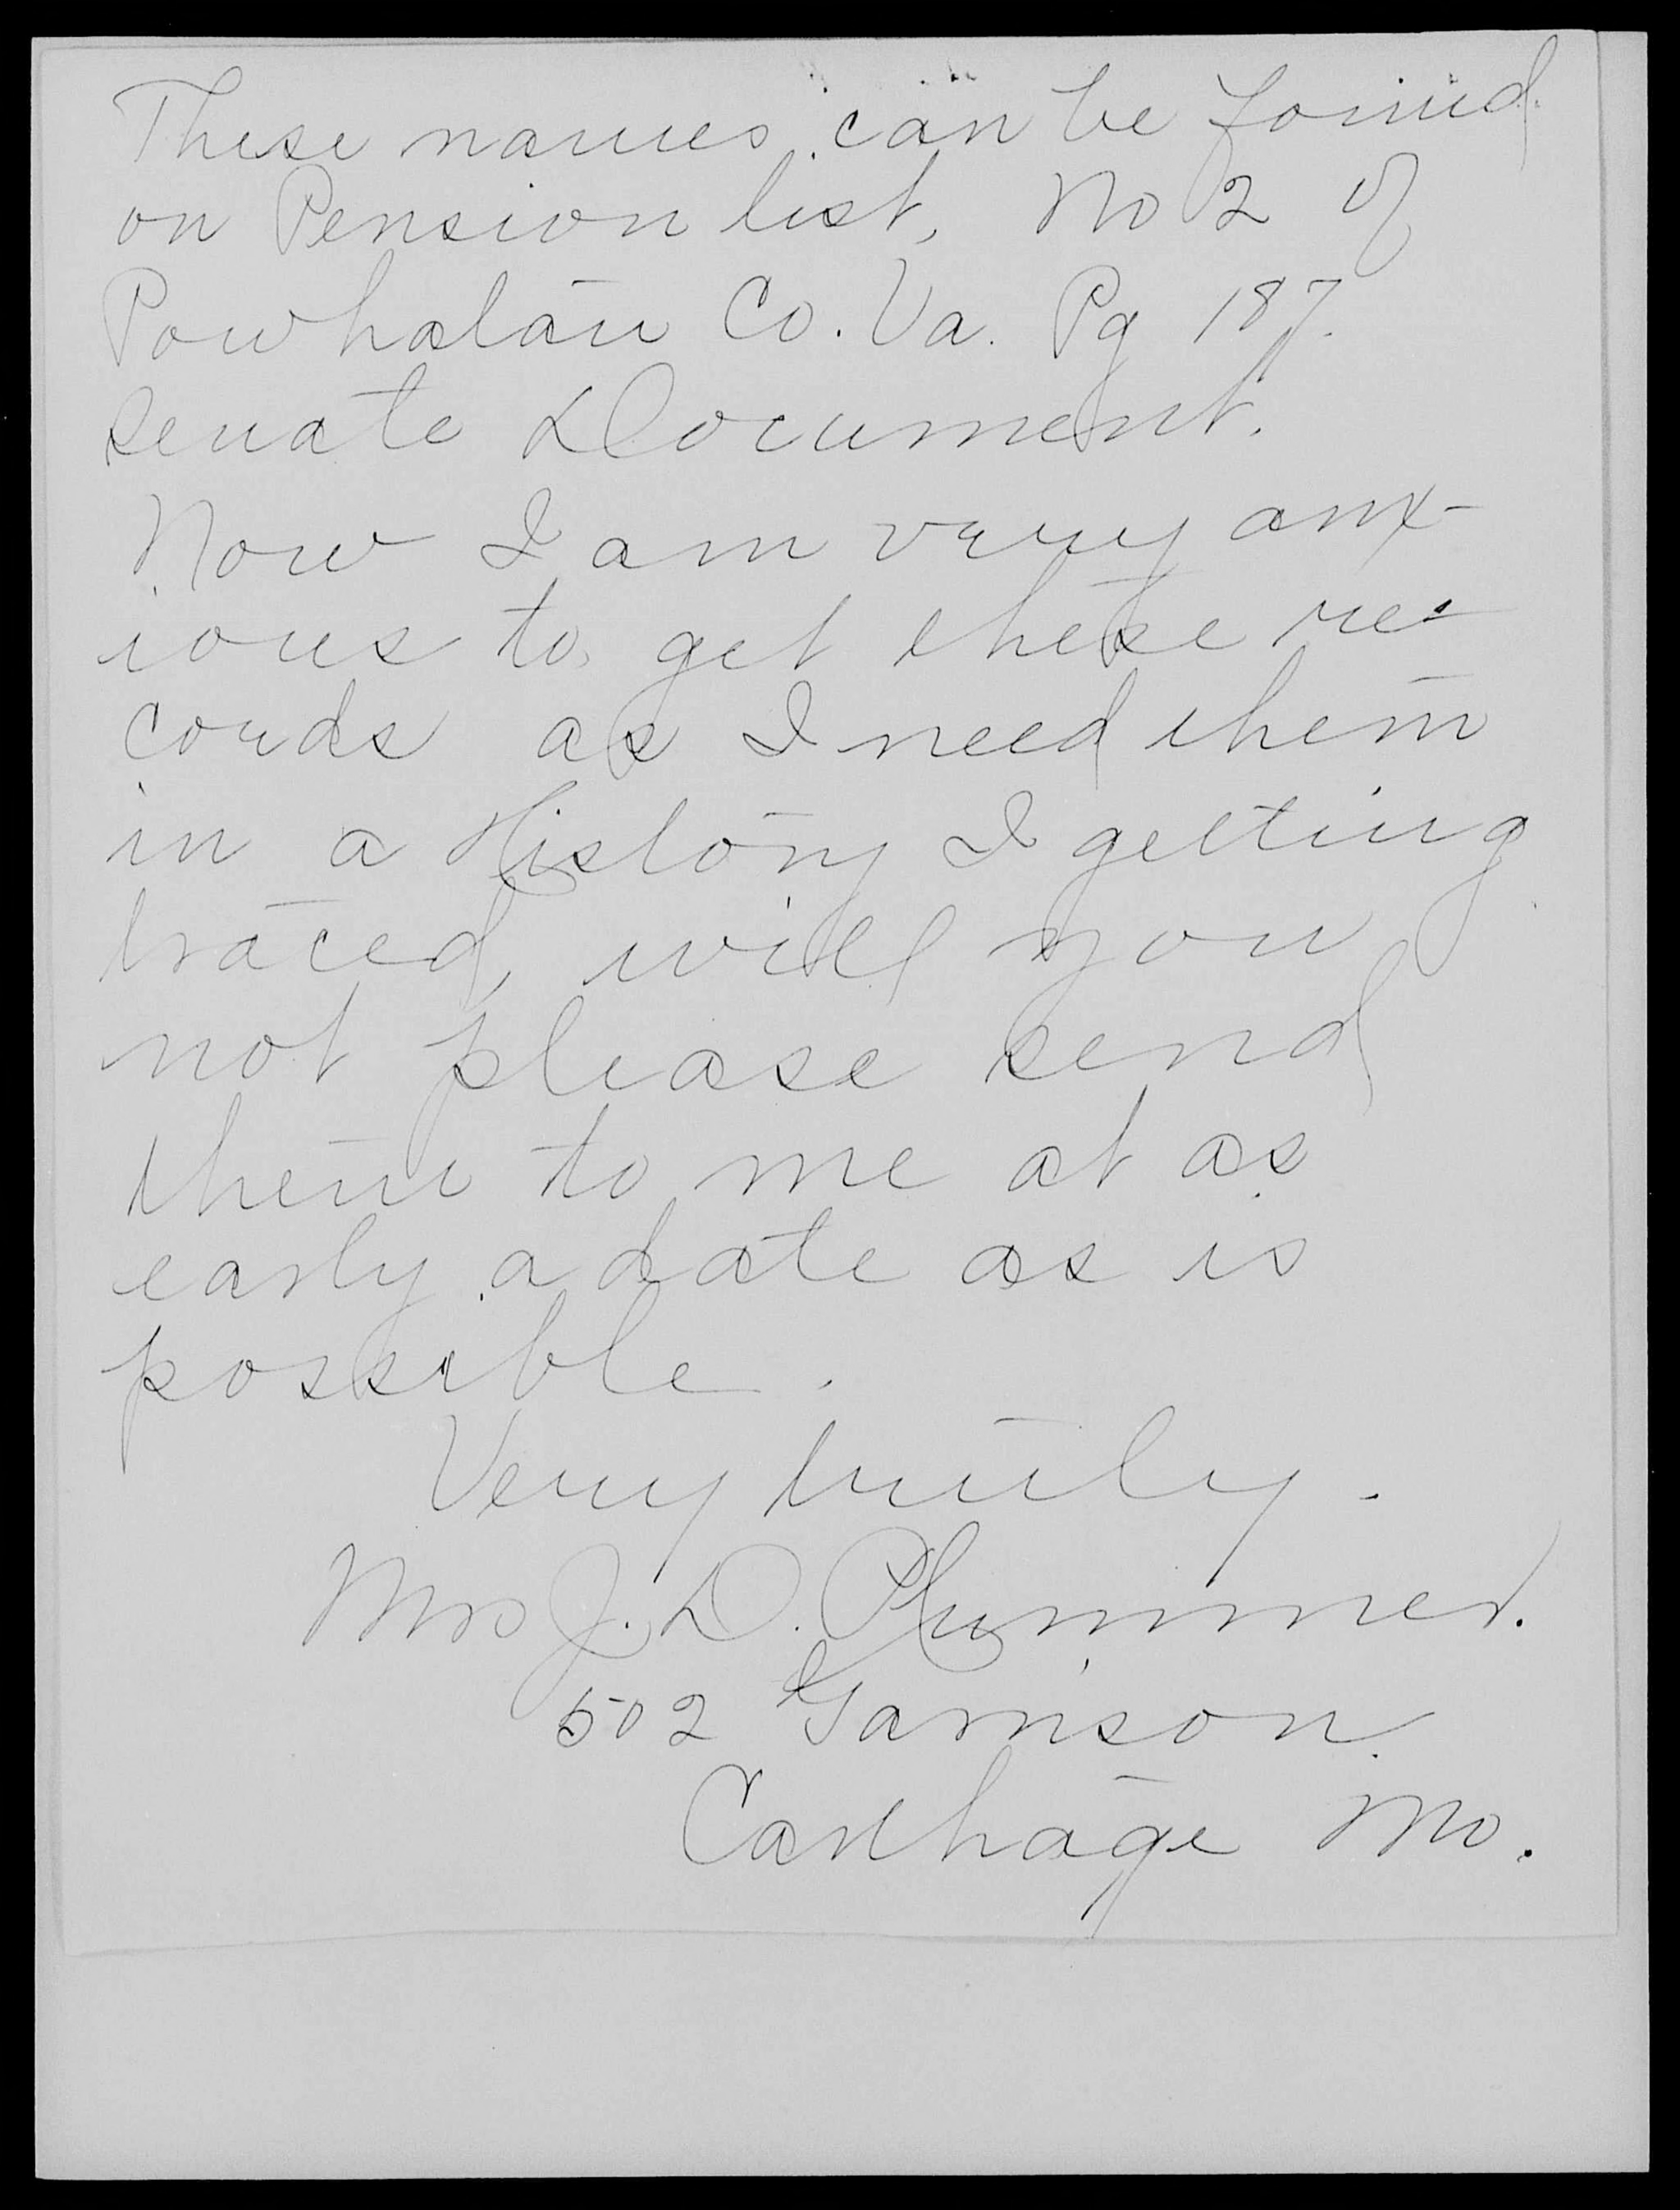These names can be found on Pension list, No 2 of Powhatan Co. Va. Pg 187.  Senate Document.

Now I am very anxious to get these records as I need them in a history I getting traced, will you not please send them to me at as early a date as is possible.

Very truly,

Mrs. J.D. Plummer
502 Garrison
Carthage Mo.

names: J D Plummer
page: 21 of 21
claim: survivor's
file: S. 7240, for Arthur Moseley, Virginia